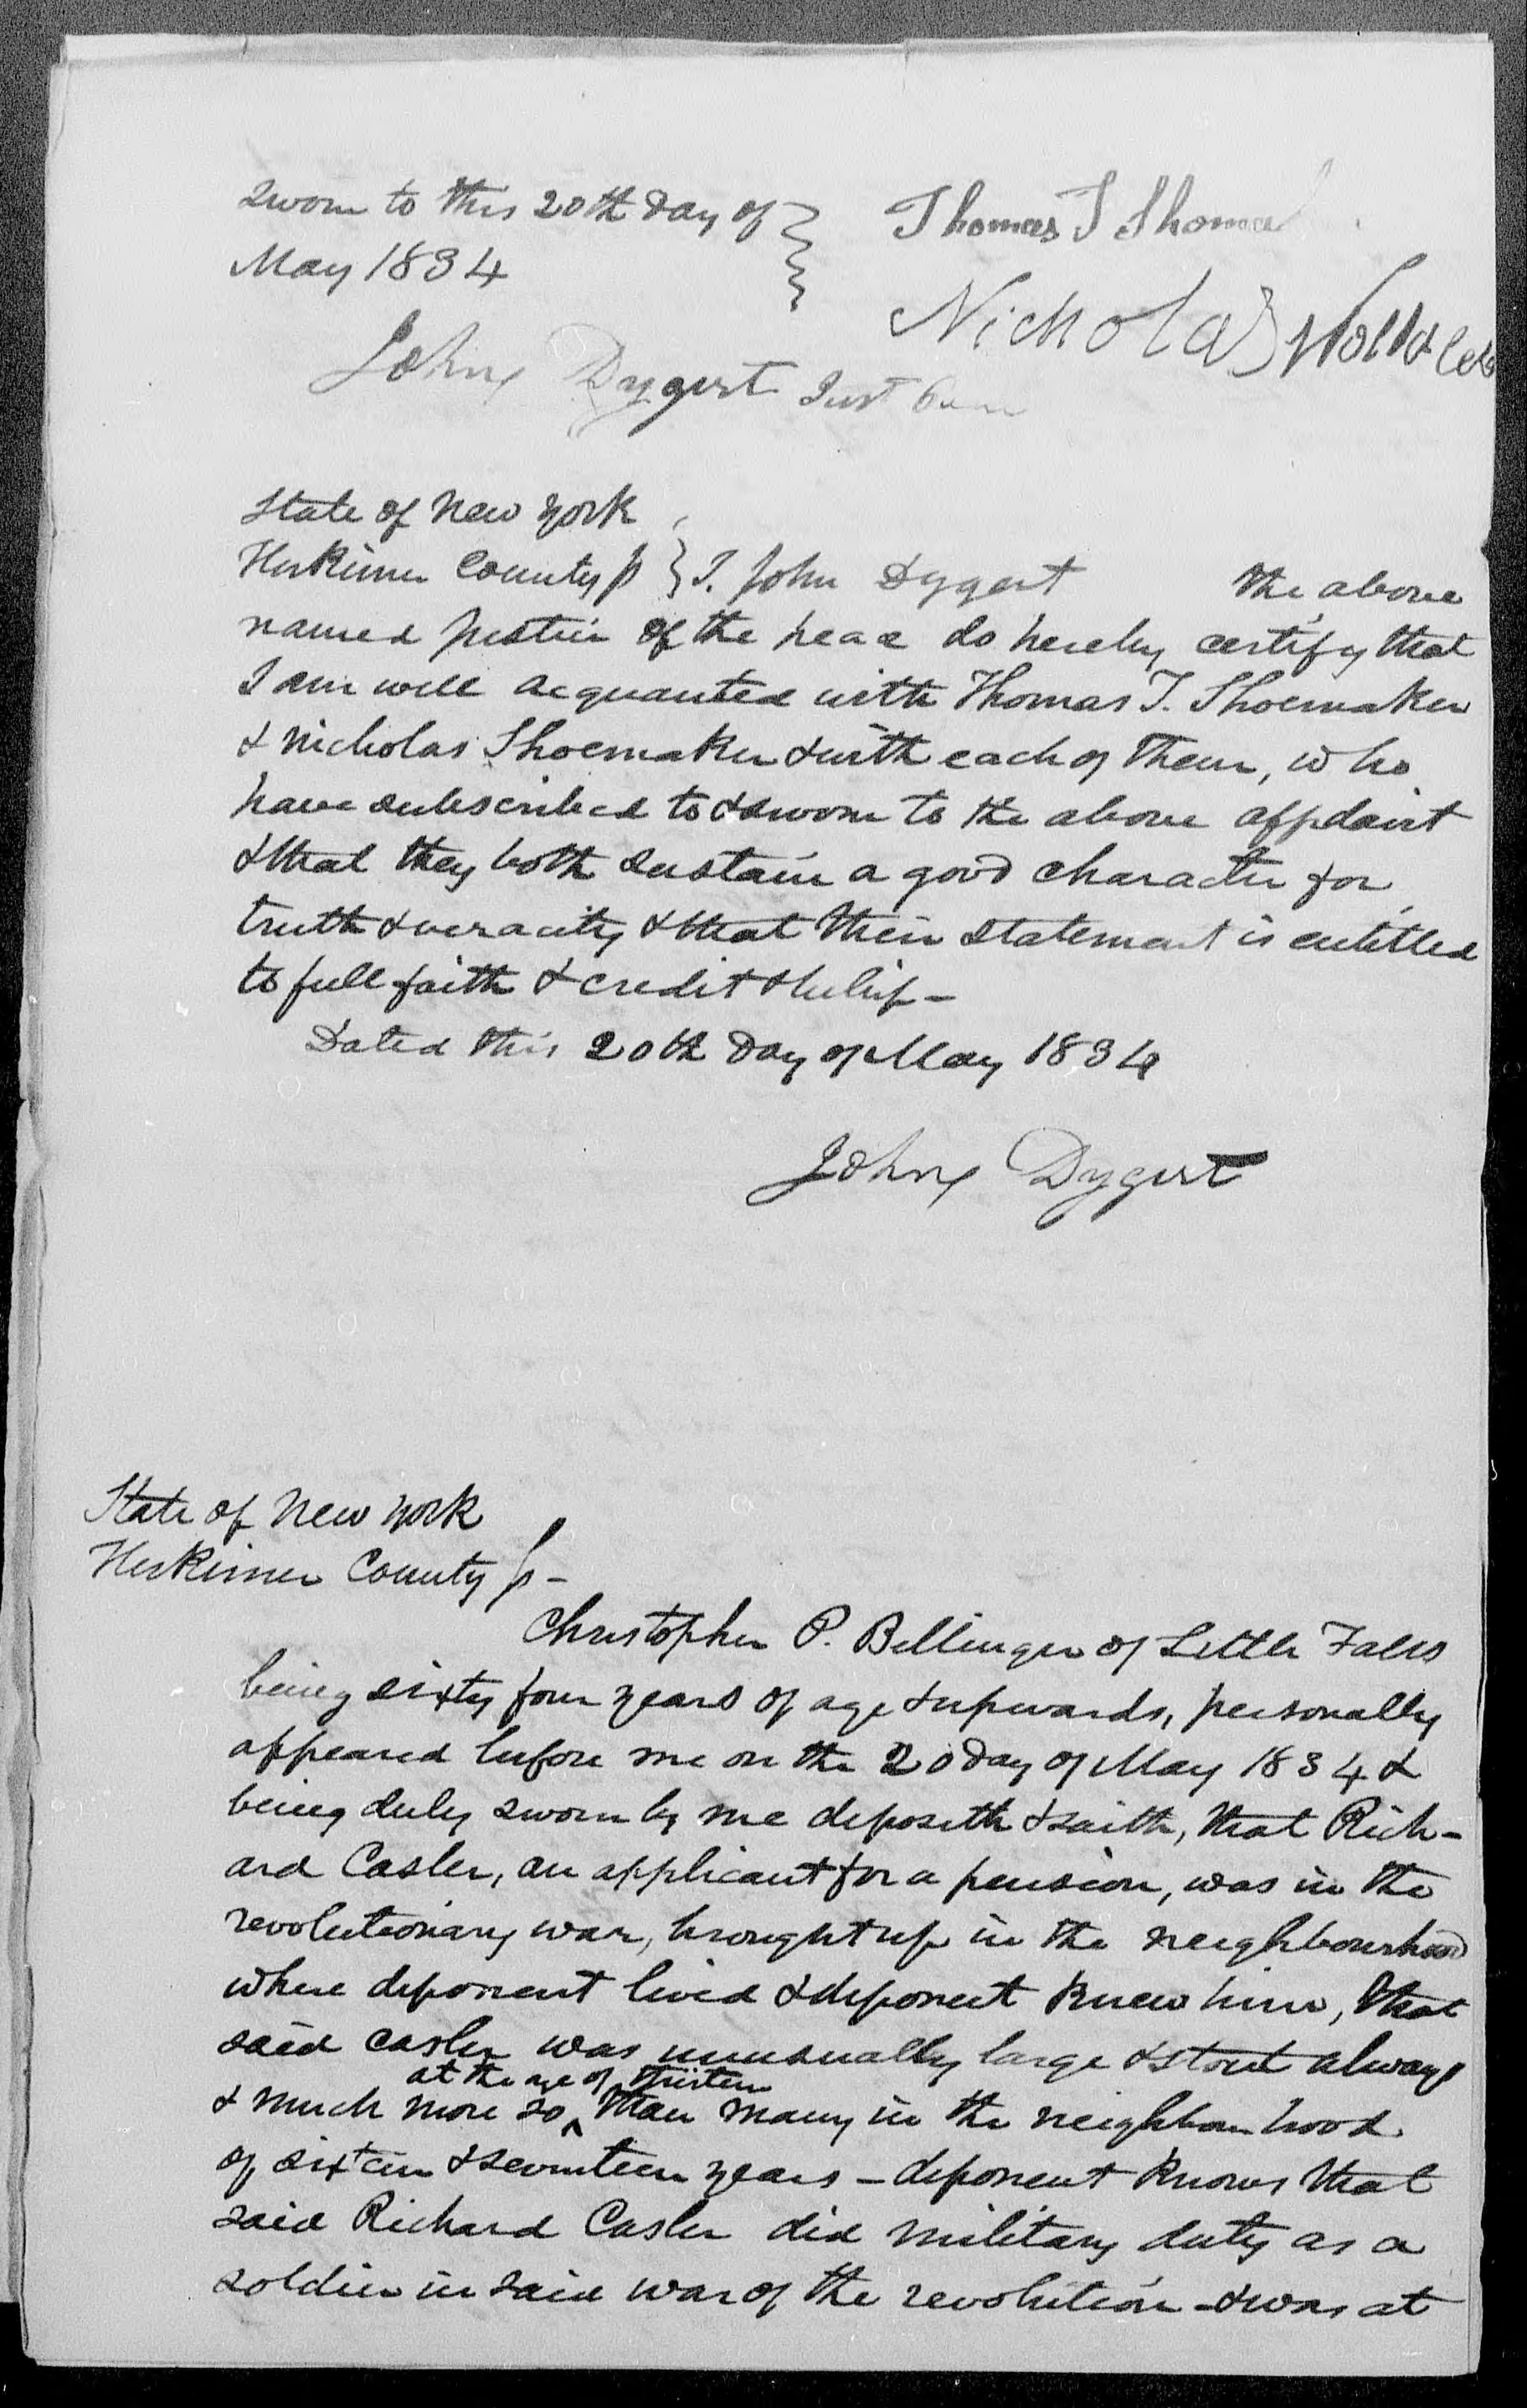[signed] Thomas T Shoemaker  Nicholas Wollaver
sworn to this 20th day of May 1834 
[signed] John Dygert Just Peace

State of New York 
Herkimer County ss } I, John Dygert the above named Justice of the peace do hereby certify that I am well acquainted with Thomas T. Shoemaker & Nicholas Shoemaker [sic] & with each of them, who have subscribed to & sworn to the above affidavit that they both sustain a good character for truth & veracity & that their statement is entitled to full faith & credit & belief – 
Dated this 20th day of May 1834 
[signed] John Dygert 

State of New York 
Herkimer County ss – 
Christopher P. Bellinger of Little Falls being sixty four years of age & upwards, personally appeared before me on the 20 day of May 1834 & being duly sworn by me deposeth & saith, that Richand Casler, an applicant for a pension, was in the revolutionary war, brought up in the neighbourhood where deponent lived & deponent knew him, that said Casler was unusually large & stout always & much more so at the age of thirteen than many in the neighborhood of sixteen & seventeen years - deponent knows that said Richard Casler did military duty as a soldier in said war of the revolution - & was at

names: Thomas T Shoemaker, Nicholas Shoemaker, Richard Casler, John Dygert, Richard Casler, John Dygert, Casler, Nicholas Woolaver, John Dygert, Thomas T Shoemaker, Christopher P Bellinger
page: 55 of 66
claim: widow's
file: W. 6637, Richard Caslar, New York